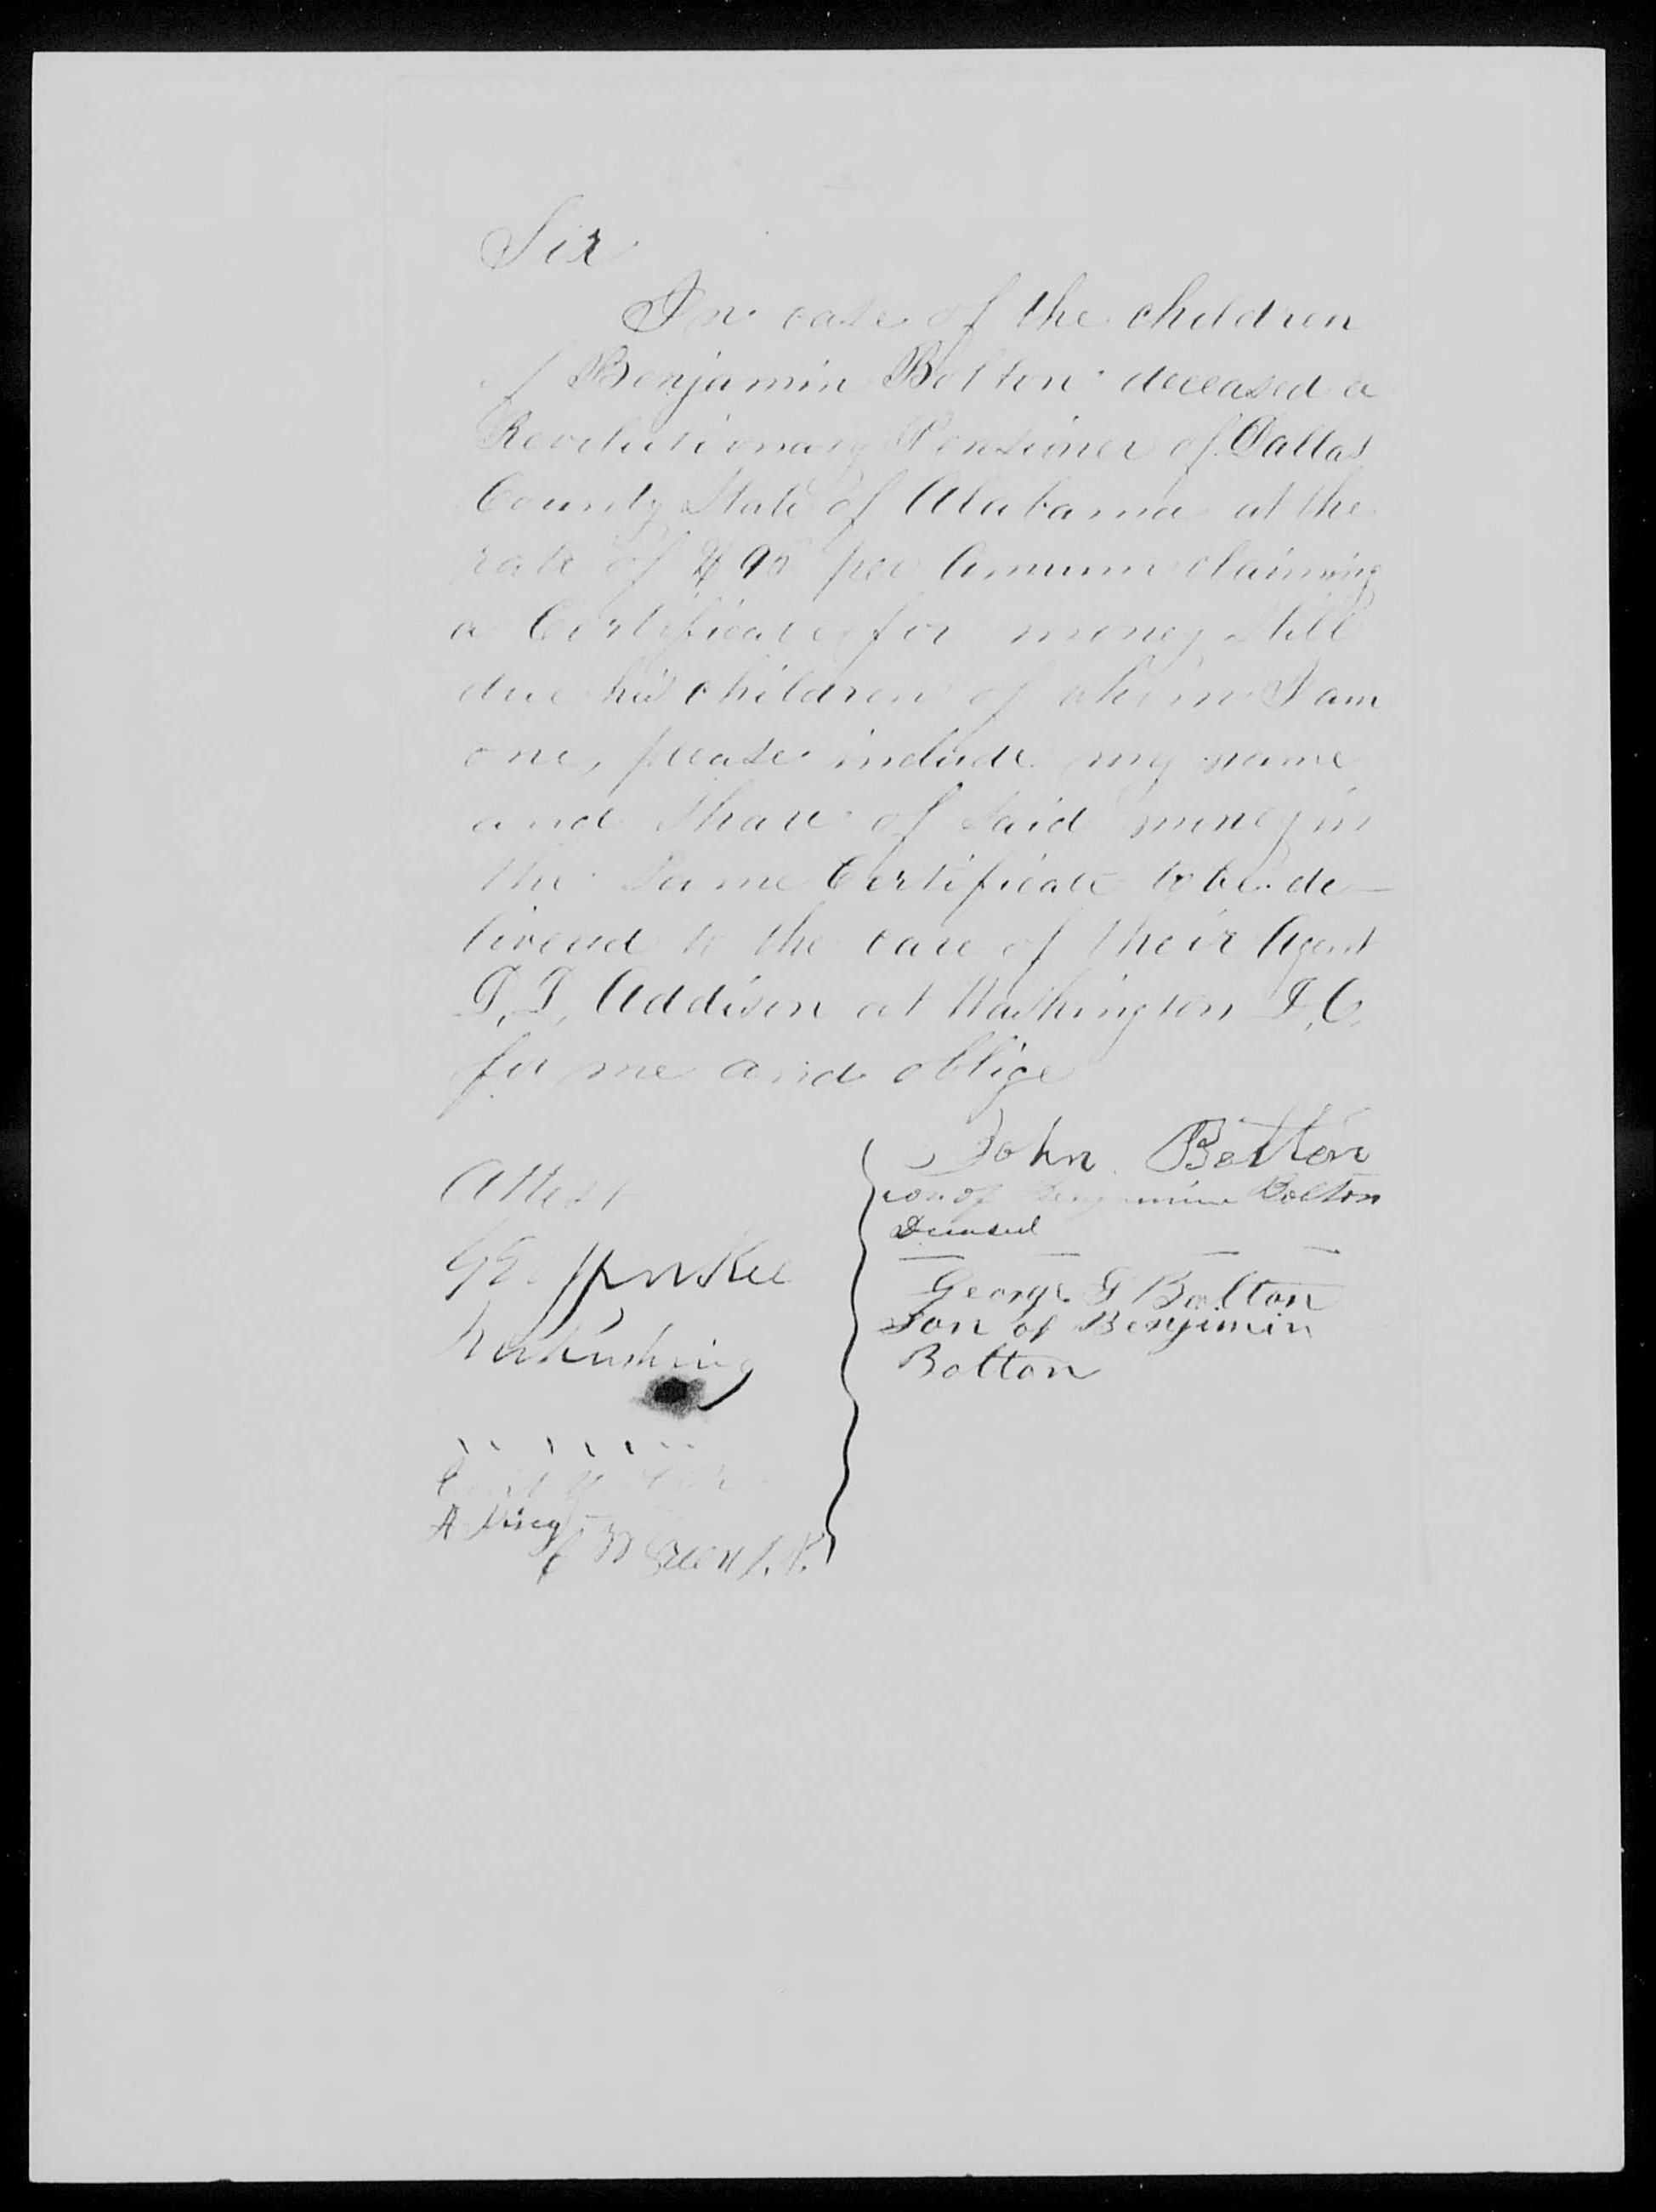Sir
In case of the children of Benjamin Bolton deceased a Revolutionary Pensioner of Dallas County State of Alabama at the rate of $96 per
annum claiming a certificate for money still due his children of  wherein I am one, please include my name and share of said pension the same certificate to be delivered to the care of their agent D. L. Addison at Washington D.C. for me and oblige

John Bolton son of Benjamin Bolton deceased

George G. Bolton son of Benjamin Bolton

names: John Botton, G E Spickel, George G Bolton, Benjimin Bolton, Benjamin Bolton, D D Addison, Benjamine Bolton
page: 3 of 29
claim: survivor's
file: S. 37,795, Benjamin Bolton, N.C.